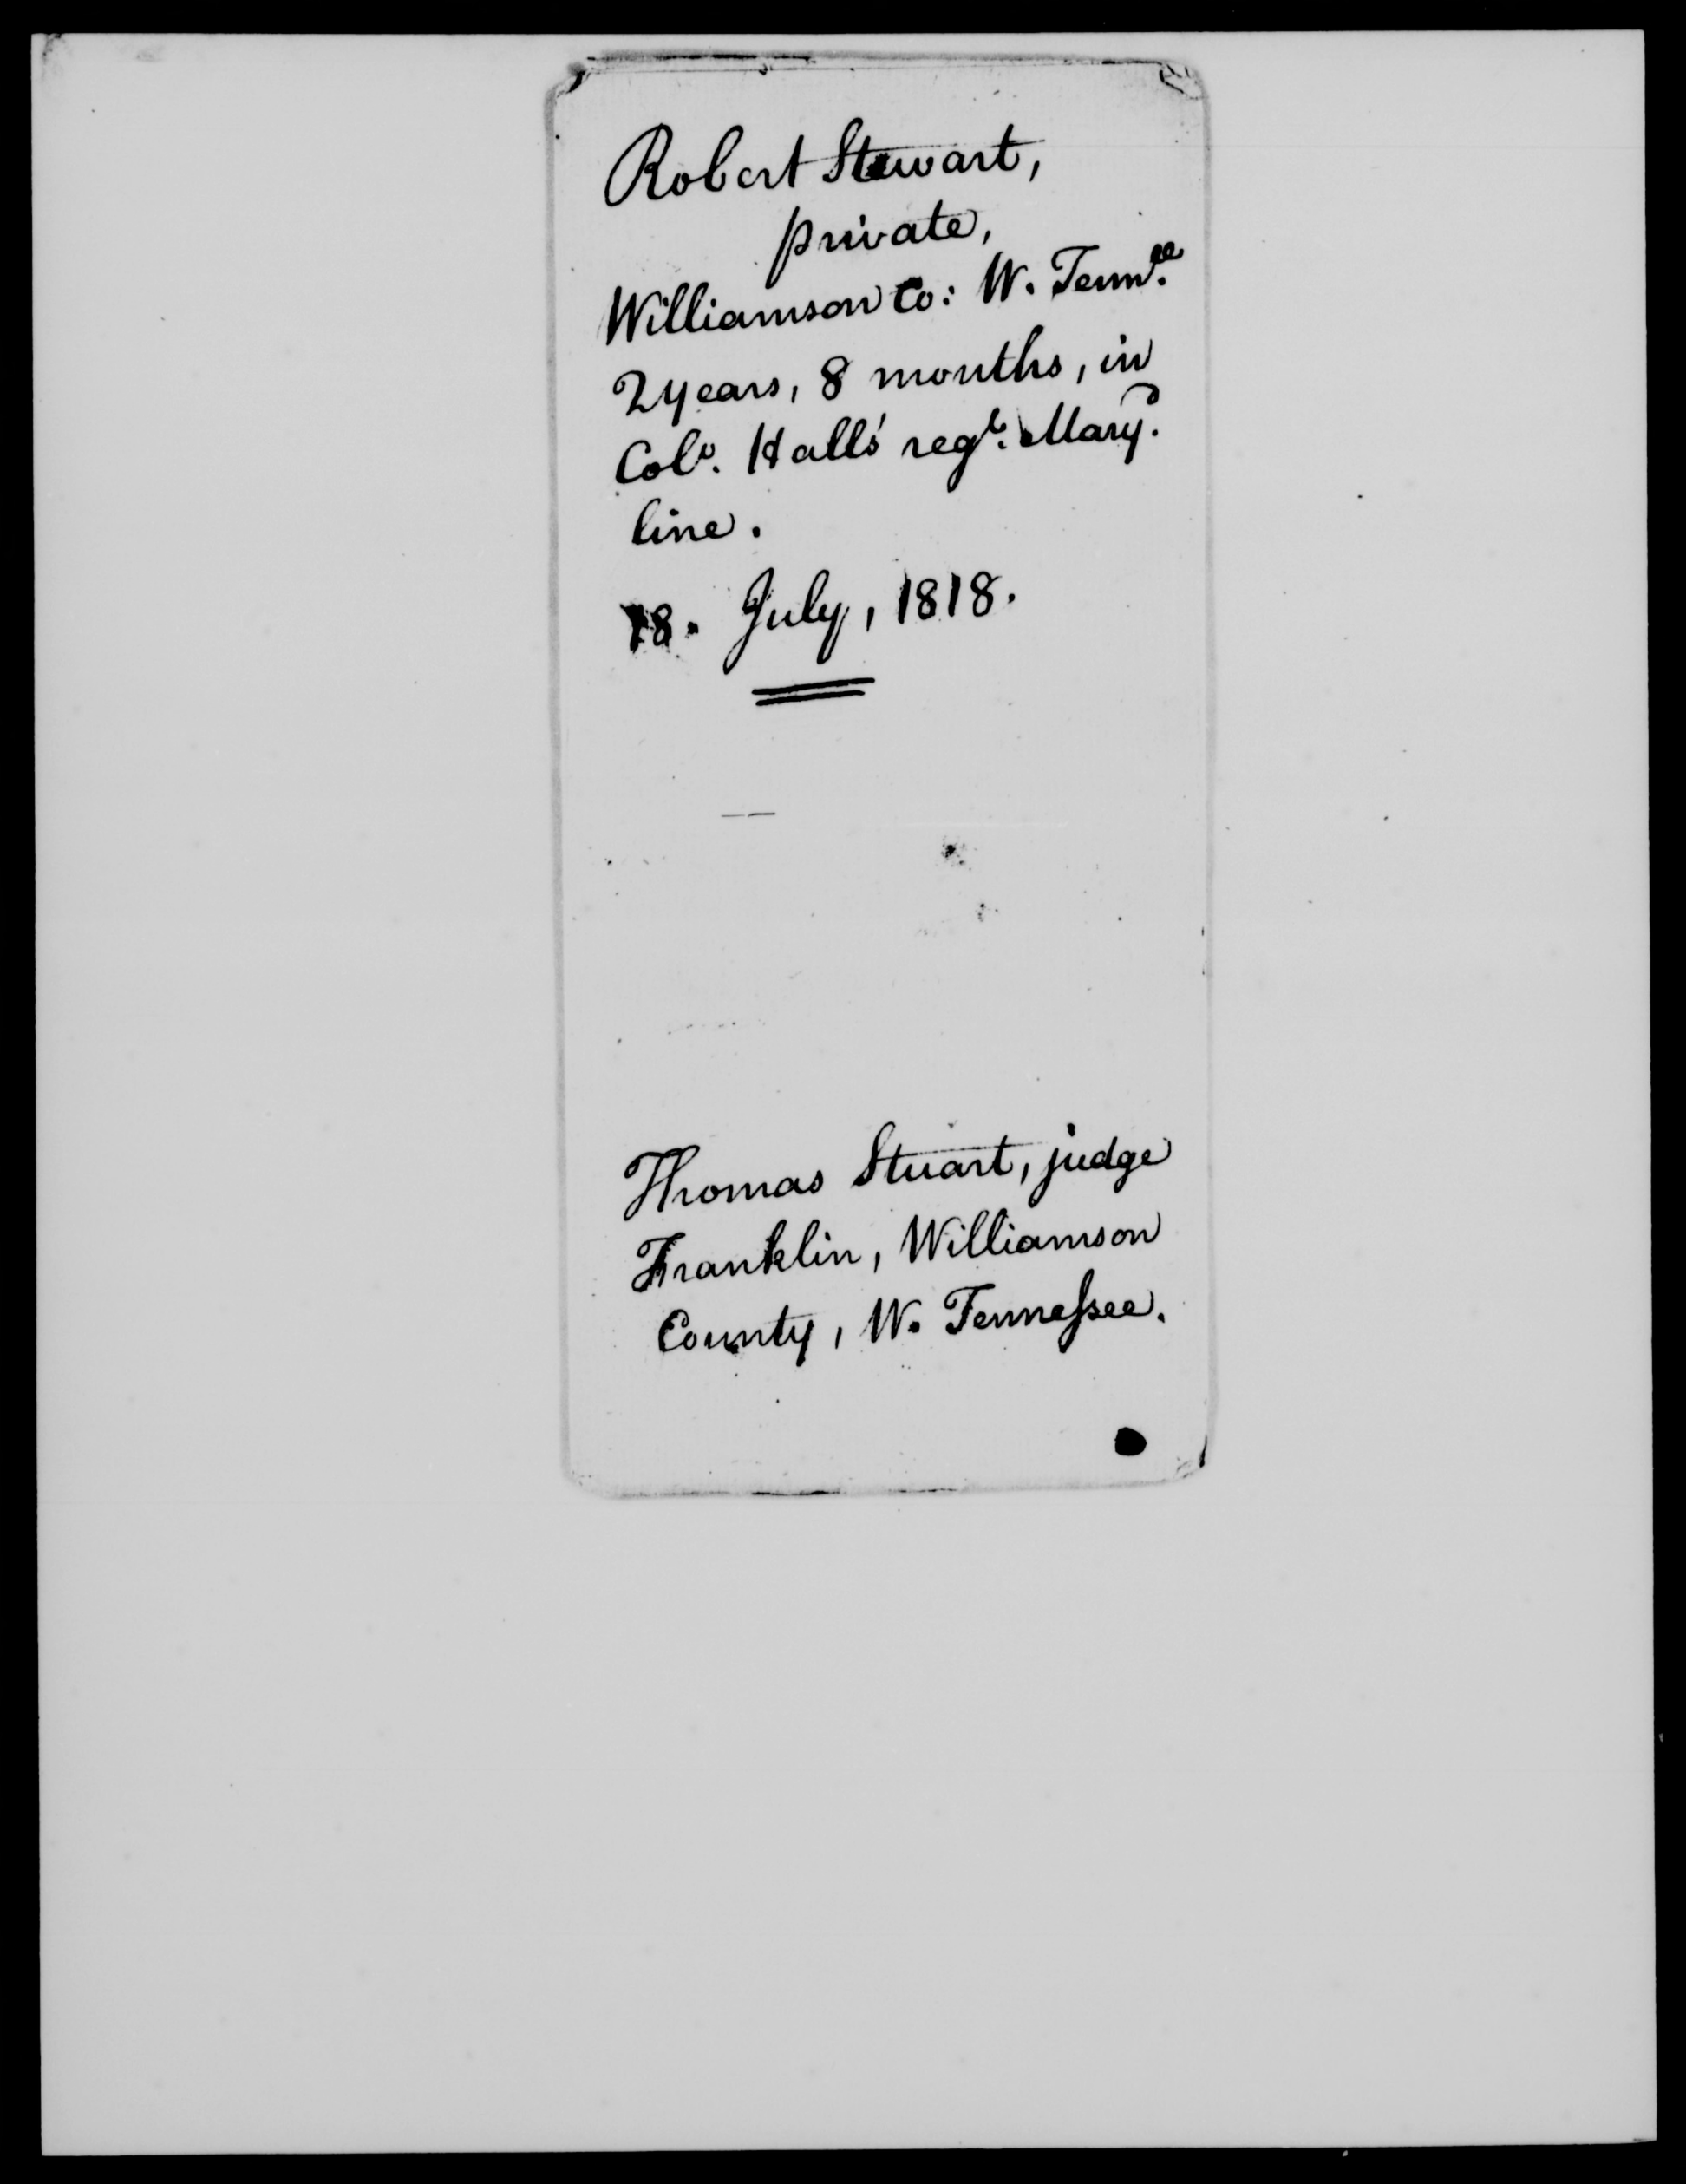Robert Stewart
Private
Williamson Co. W. Tenn
2 years, 8 months in 
Col Hall's regt. Maryland line

18 July 1818

Thomas Stuart, Judge
Franklin, Williamson
County, W. Tennessee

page: 13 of 15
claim: survivor's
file: S 39089, for Robert Stewart, Maryland